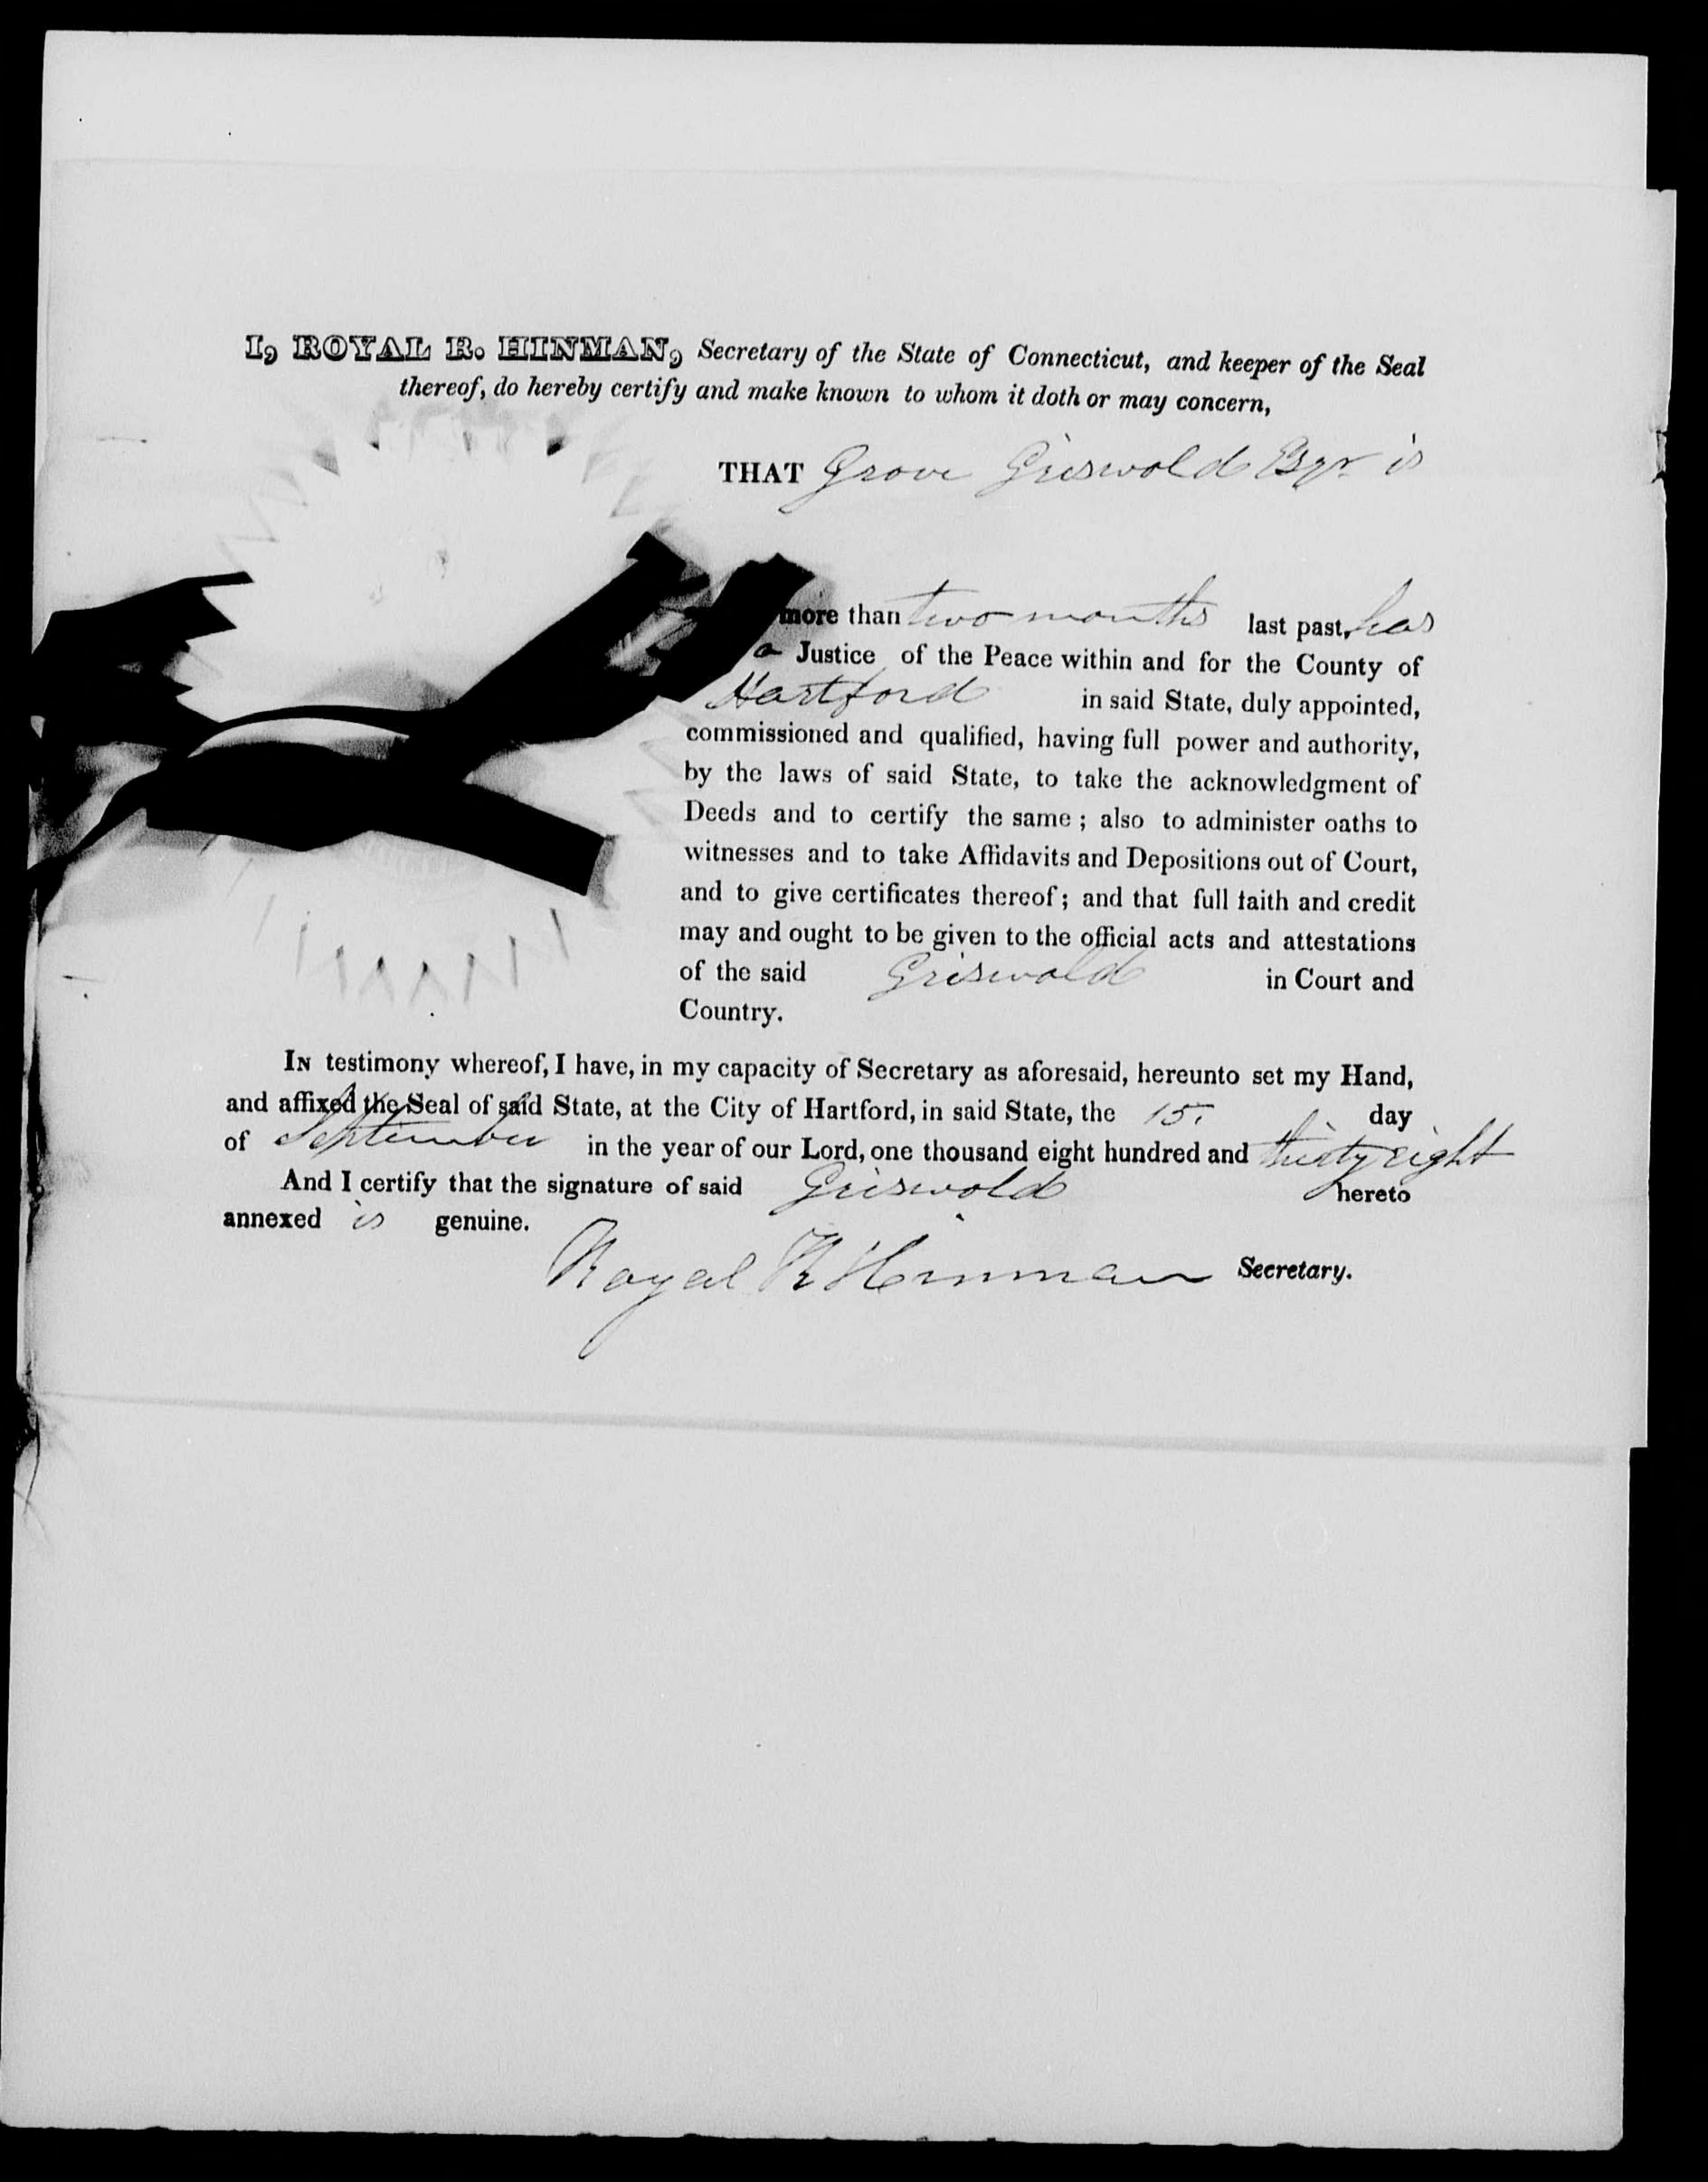[printed form completed in handwriting]
I, Royal R. Hinman, Secretary of the State of Connecticut, and keeper of the Seal thereof, do hereby certify and make known to whom it doth or may concern,
THAT Grove Griswold Esq is
for more that two months last past, has a Justice of the Peace within and for the County of Hartford in said State, duly appointed, commissioned and qualified, having full power and authority, by the laws of said State, to take the acknowledgement of Deeds and to certify the same; also to administer oaths to witnesses and to take Affidavits and Depositions out of Court, and to give certificates thereof; and that full faith and credit may and ought to be given the official acts and attestations of the said Griswold in Court and Country.

In testimony whereof, I have, in my capacity of Secretary as aforesaid, hereunto set my Hand, and affixed the Seal of said State, at the City of Hartford, in said State, the 15 day of September in the year of our Lord, one thousand eight hundred and thirty eight.
And I certify that the signature of said Griswold hereto annexed is genuine. 
[signed] Royal R Hinman Secretary. 
[to the left is a large seal with ribbons attached – print is illegible]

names: Griswold, Royal R Hinman, Griswold, Grove Griswold, Royal R Hinman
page: 14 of 26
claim: widow's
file: W. 14483, Reuben Clark, Conn.